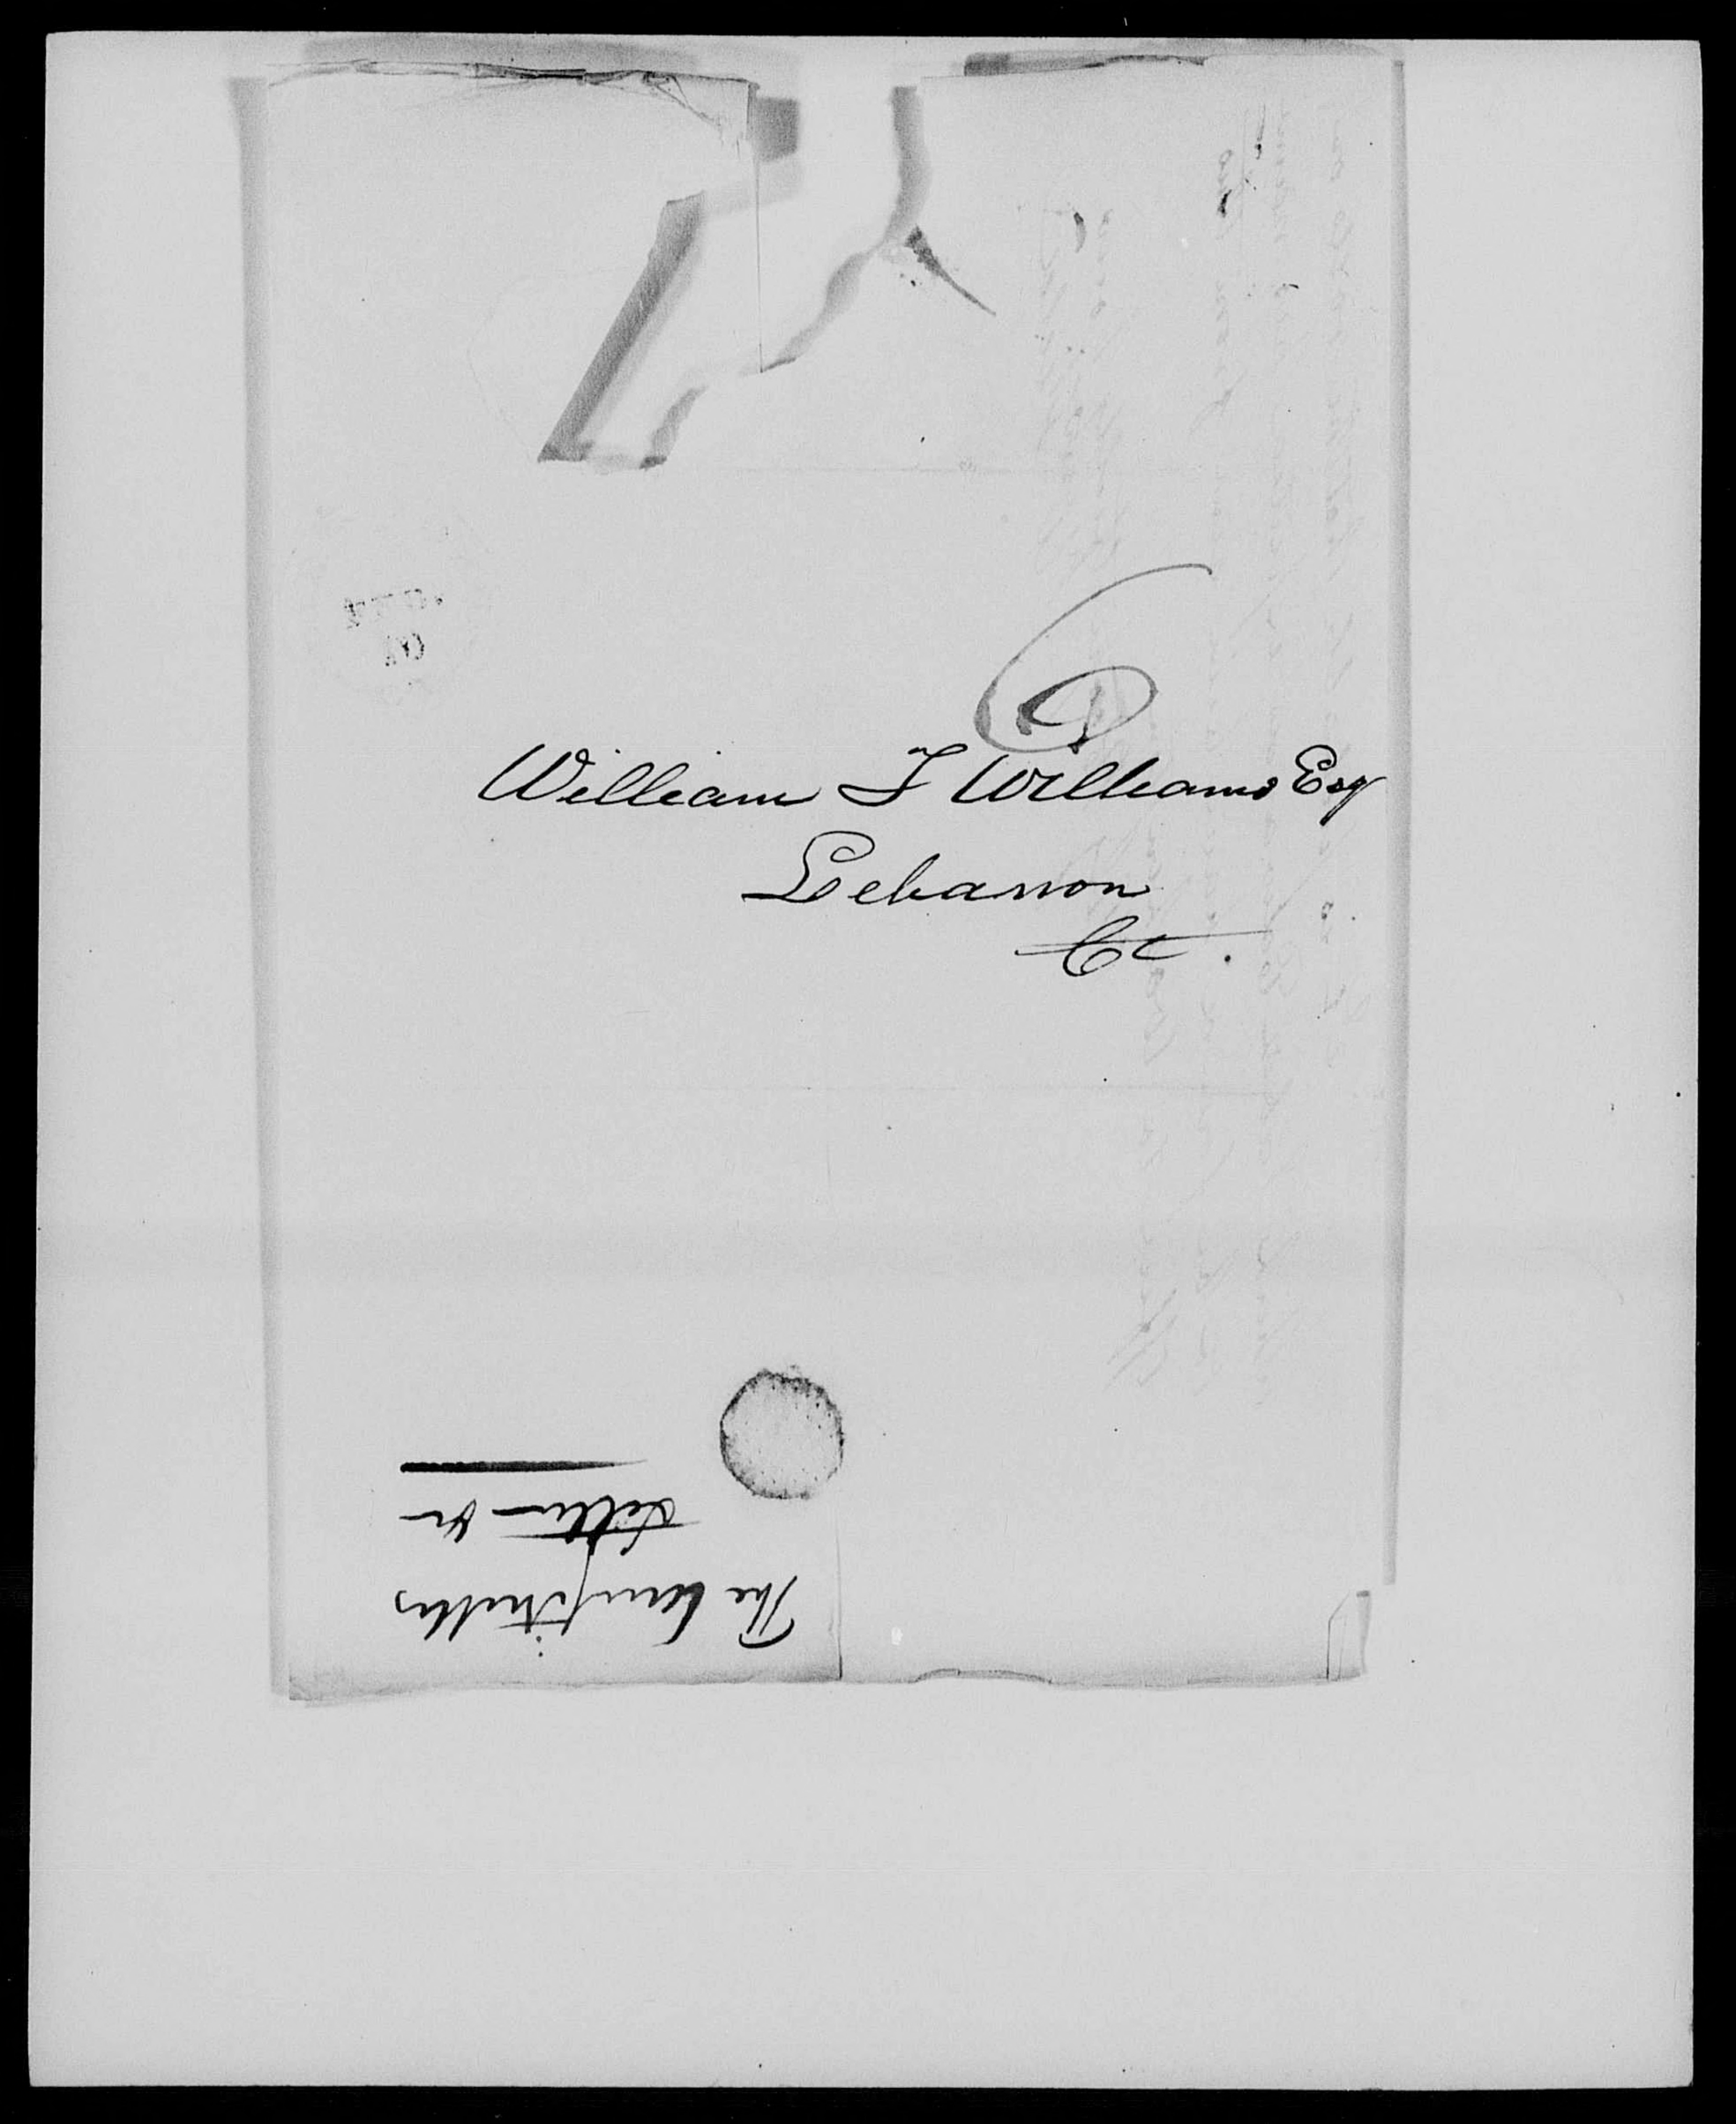William T. Williams Esq.
Lebanon
CT.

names: William T Williams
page: 15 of 50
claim: survivor's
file: S 10607, Jabez Edwards, Conn.